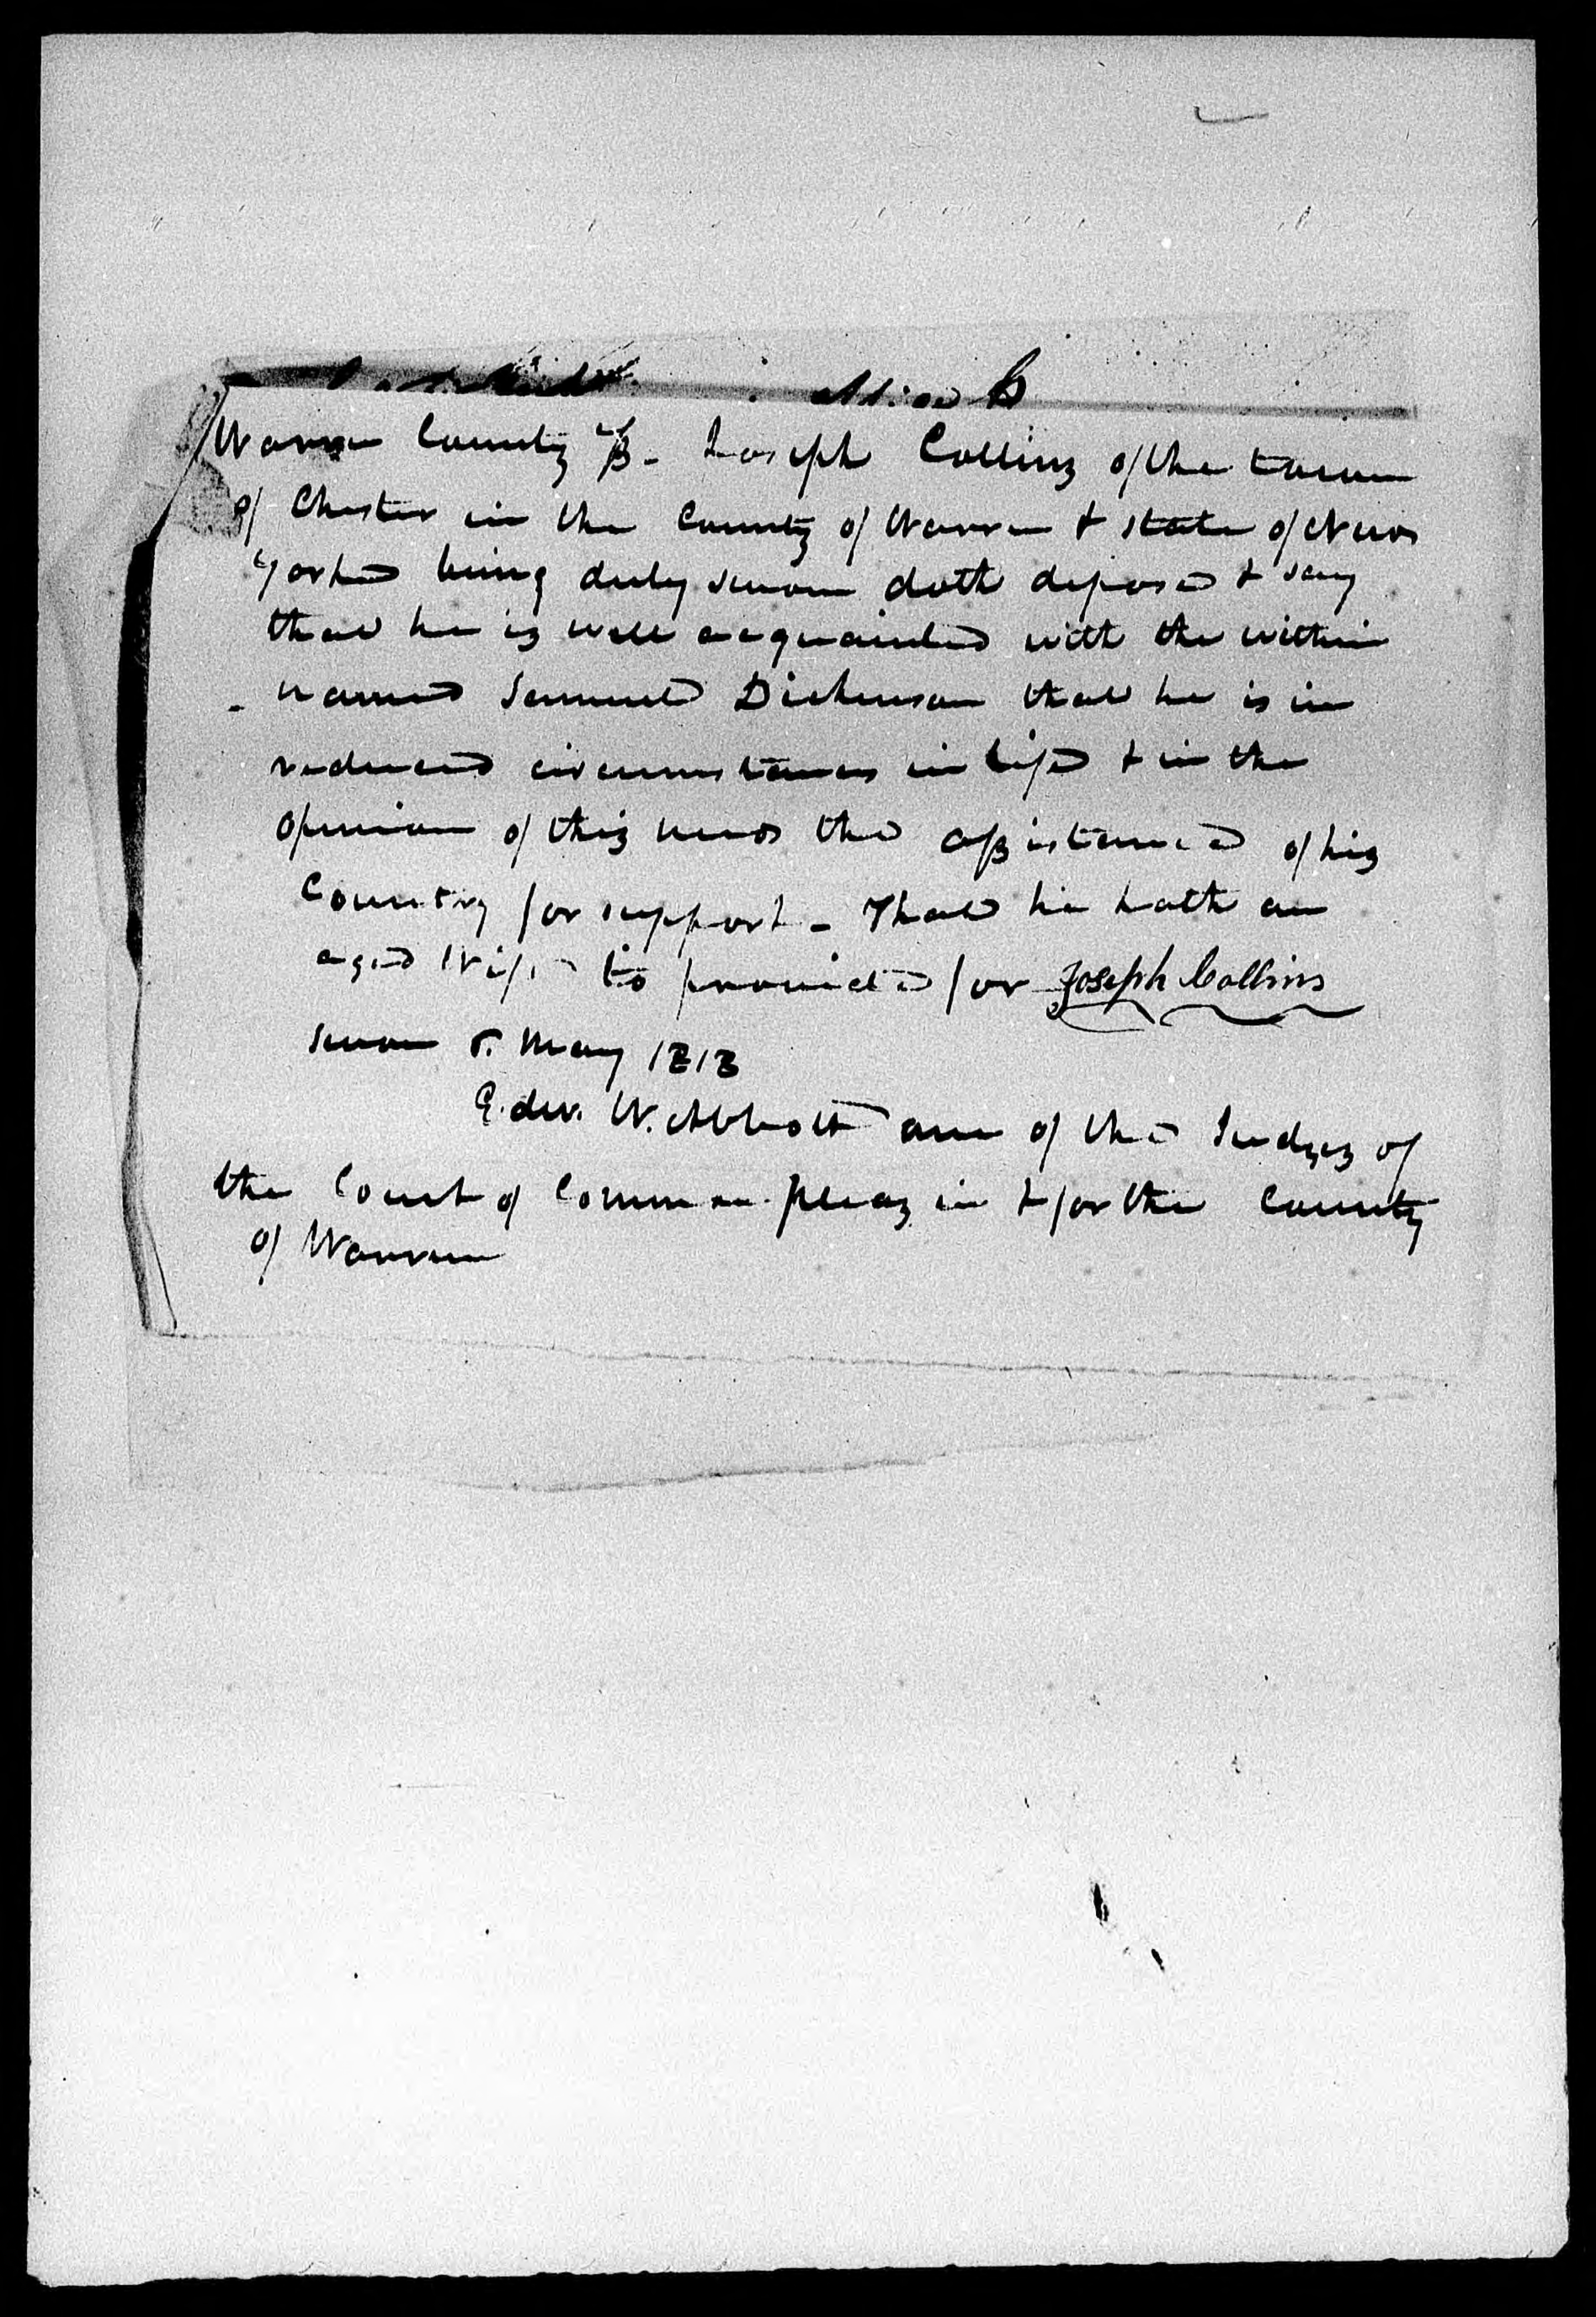Warren County Joseph Collins
of the town
of Chester in the County of Warren & State of New 
York being duly sworn doth depose & say
that he is well acquainted with the within
named Samuel Dickinson that he is in
reduced circumstances in life & in the
opinion of this needs the assistance of his
Country for support. That he hath [illegible]
agreed [illegible] to provide for Joseph Collins
[illegible] 5 May 1812
Edw. W. Abbott one of the Judges of
Court of Common pleas in & for the County 
of Warren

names: Edw W Abbott, Joseph Collins, Samuel Dickinson, Joseph Collins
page: 58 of 60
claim: widow's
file: W 16,955, Samuel Dickinson, Conn.